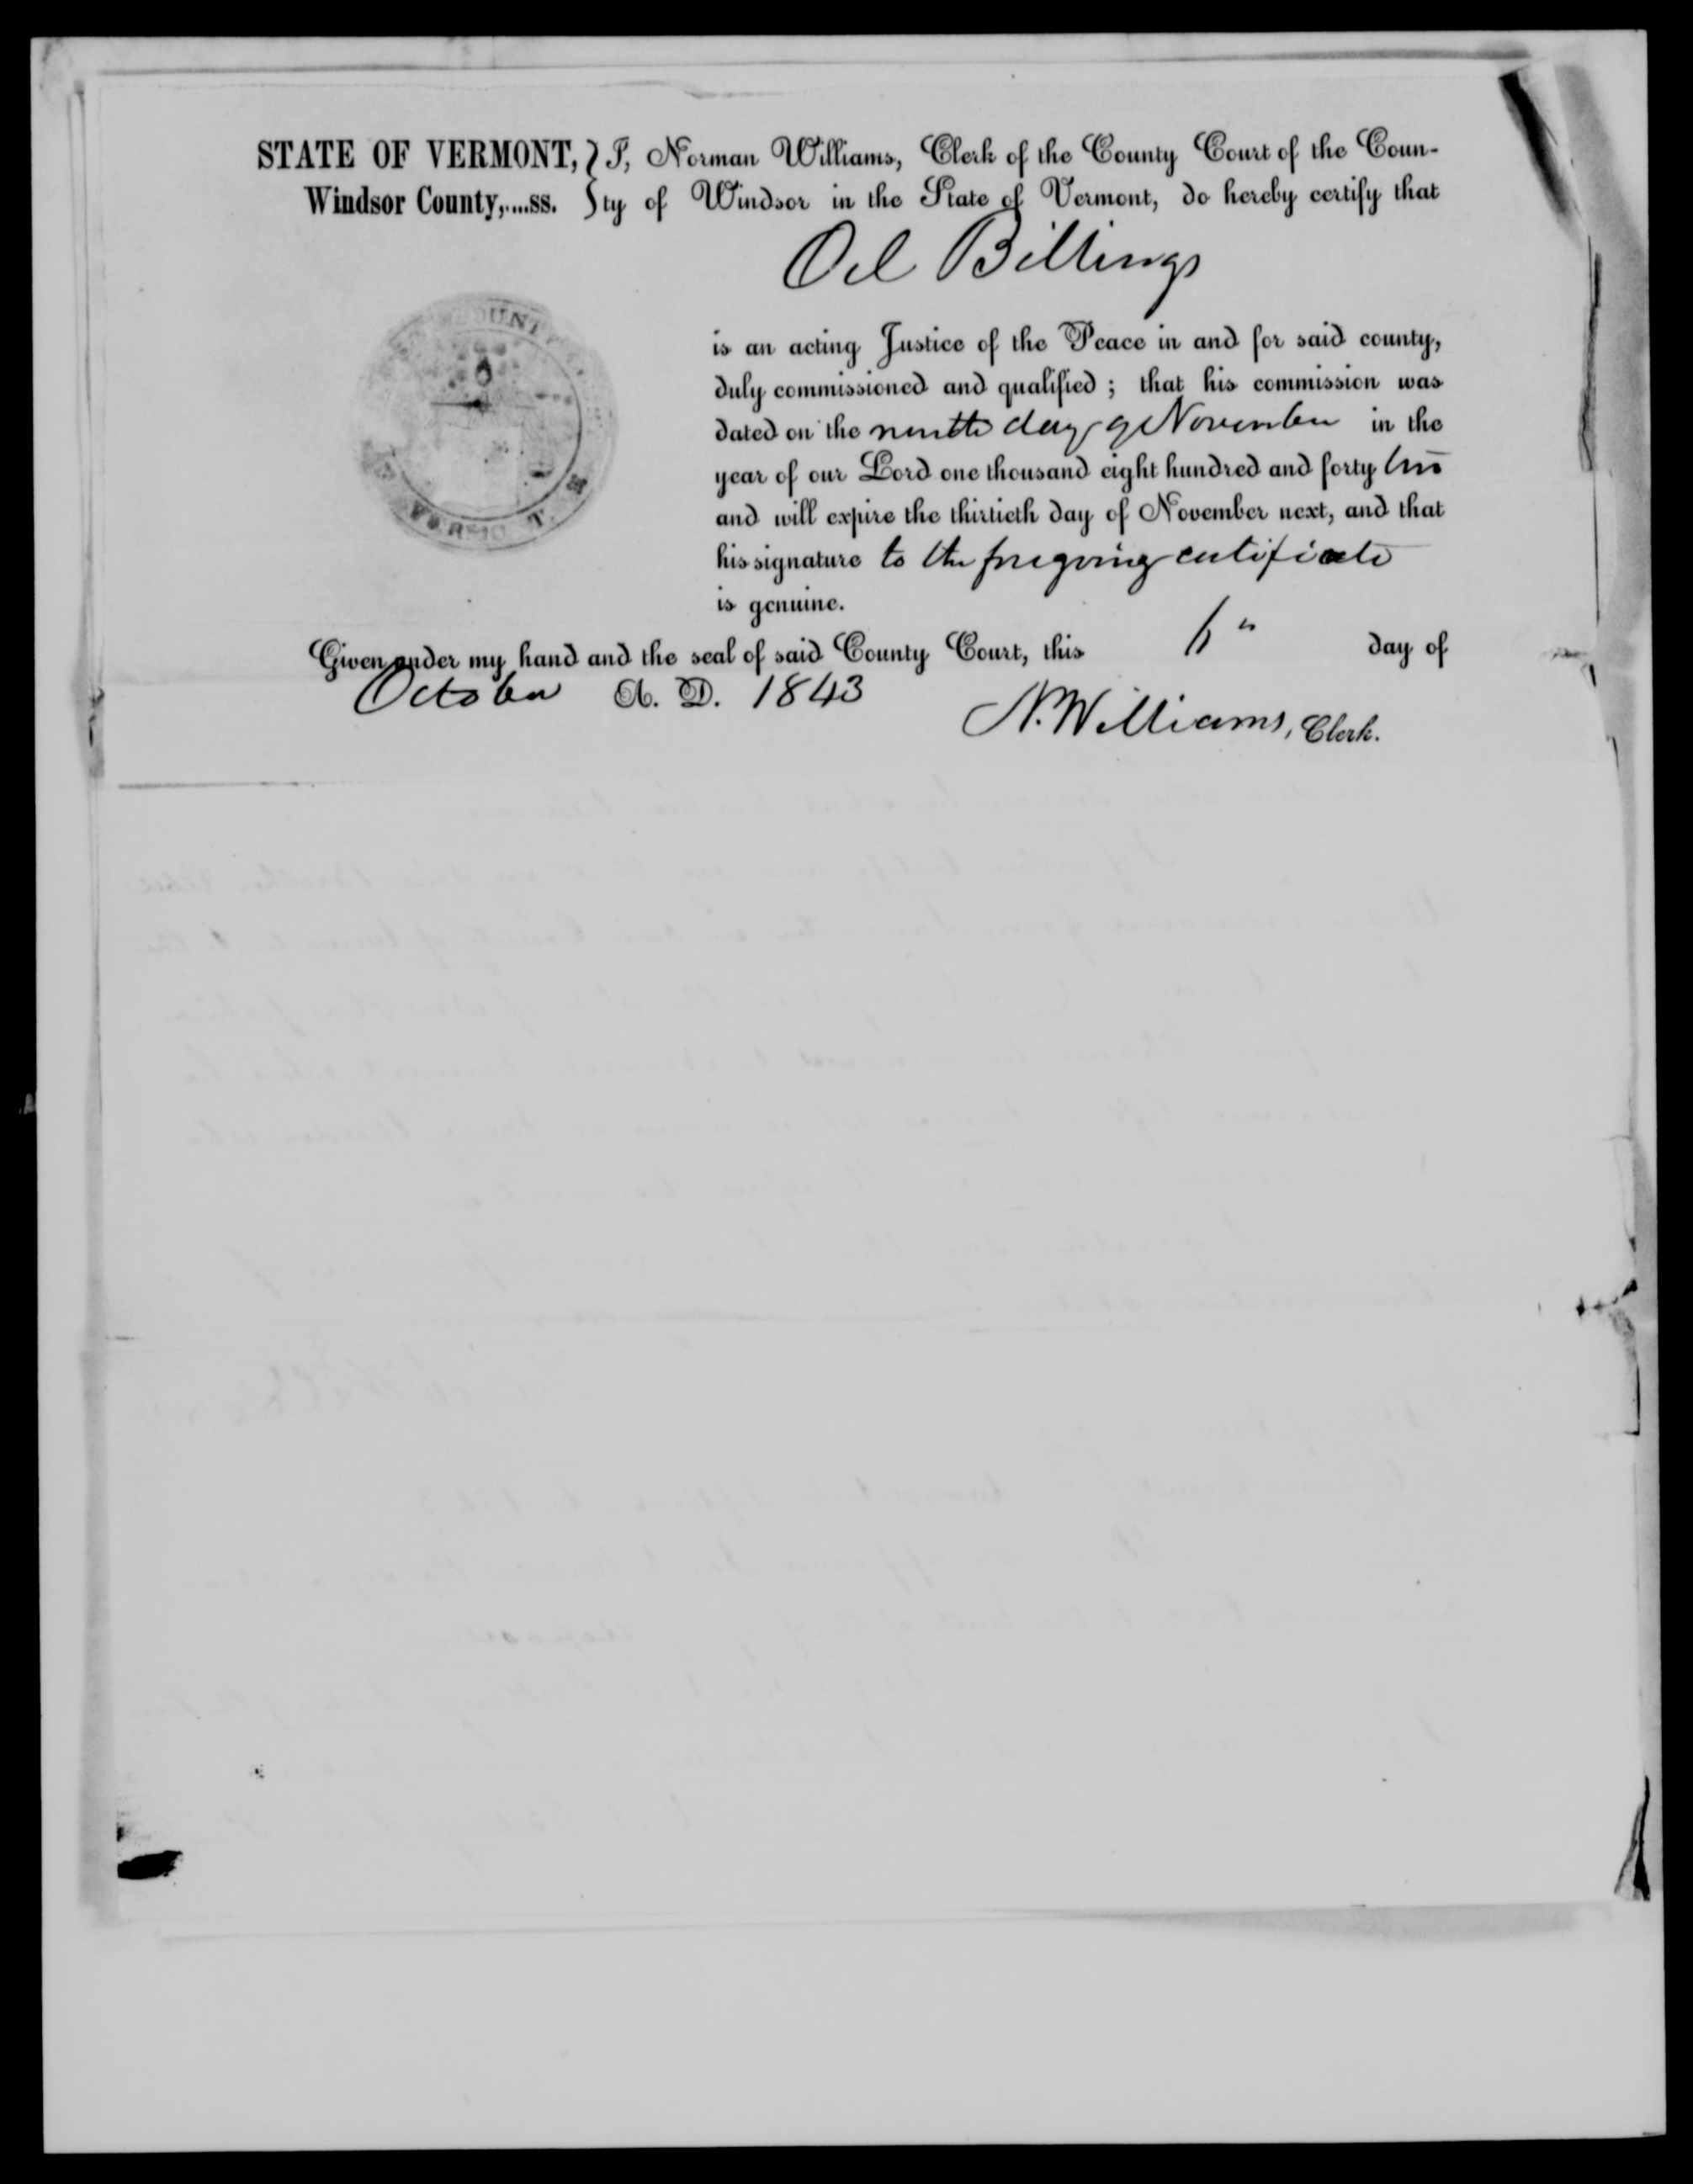State of Vermont, 
Windsor County, … SS. 
I, Norman Williams, Clerk of the County Court of the County of Windsor in the State of Vermont, do hereby certify that 
[handwritten] Oel Billings
[print] Is an acting Justice of the Peace in and for said county, duly commissioned and qualified; that his commission was dated on the [handwritten] ninth day of November [print] in the year of our Lord one thousand eight hundred and forty [handwritten] two [print] and will expire the thirtieth day of November next, and that his signature [handwritten] to the foregiving certificate [print] is genuine.

Given under my hand and the seal of said County Court, this [handwritten] 6th [print] day of [handwritten] October [print] AD [handwritten] 1843
[handwritten] N. Williams, [print] Clerk.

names: Norman Williams, Oel Billings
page: 4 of 40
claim: widow's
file: W. 18,426, Abel Wilder, Mass. N.H. Vt.